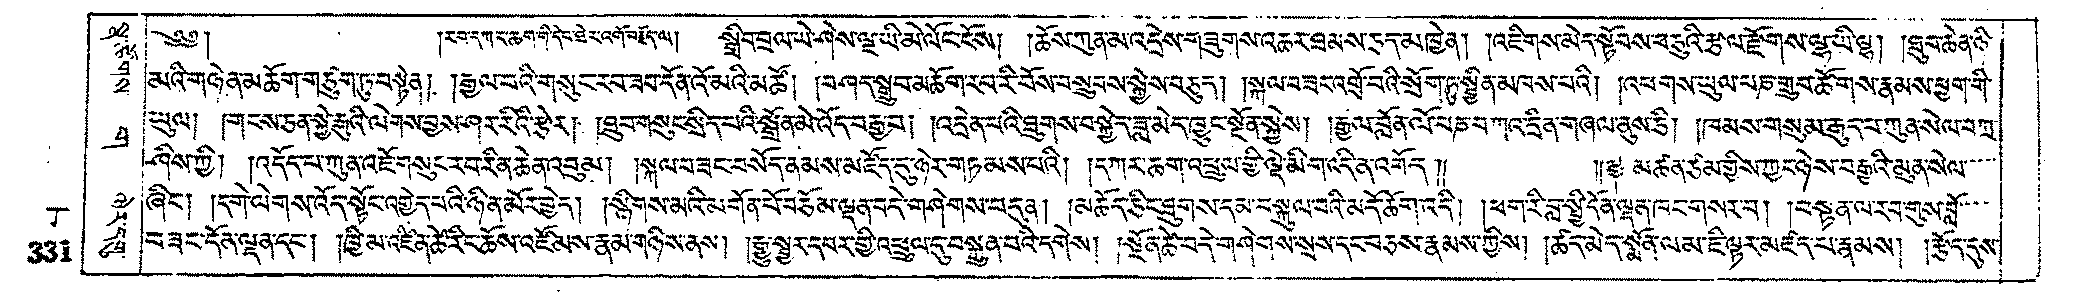༄༅། །རབ་དཀར་ཆག་གི་དེབ་ཐེར་འགོ་བརྗོད་ལ།  སྒྲིབ་བྲལ་ཡེ་ཤེས་ལྔ་ཡི་མེ་ལོང་ངོས། །ཆོས་ཀུན་མ་འདྲེས་གཟུགས་འཆར་ཐམས་ཅད་མཁྱེན། །འཇིགས་མེད་སྟོབས་བཅུའི་རྩལ་རྫོགས་ལྷ་ཡི་ལྷ། །ཐུབ་ཆེན་ཉི་
མའི་གཉེན་མཆོག་གཙུག་ཏུ་བསྟེན། །རྒྱལ་བའི་གསུང་རབ་ཟབ་དོན་འོ་མའི་མཚོ། །བཤད་སྒྲུབ་མཆོག་རབ་རི་བོས་བསྲུབས་སྐྱེས་བཅུད། །སྐལ་བཟང་འགྲོ་བའི་སྲོག་ཏུ་སྦྱིན་མཁས་པའི། །འཕགས་ཡུལ་པཎ་གྲུབ་ཚོགས་རྣམས་ཕྱག་གི་
ཡུལ། །གངས་ཅན་སྐྱེ་རྒུའི་ལེགས་བྱས་ཤར་རིའི་རྩེར། །ཐུབ་གསུང་སྲིད་པའི་སྒྲོན་མེ་འོད་བརྒྱ་པ། །འདྲེན་པའི་ཐུགས་བསྐྱེད་ཟླ་མེད་ཁྱུང་སྔོན་སྐྱེས། །རྒྱལ་བློན་ལོ་པཎ་བཀའ་དྲིན་གཞལ་ནུས་ཅི། །ཁམས་གསུམ་རྒུད་པ་ཀུན་སེལ་བཀྲ་
ཤིས་ཀྱི། །འདོད་པ་ཀུན་འཇོ་གསུང་རབ་རིན་ཆེན་འབུམ། །སྐལ་བཟང་བསོད་ནམས་མཛོད་དུ་ཉེར་གཏམས་པའི། །དཀར་ཆག་འཕྲུལ་གྱི་ལྡེ་མིག་འདི་ན་འགོད།། །།འ་མཚན་ཙམ་གྱིས་ཀྱང་ཉེས་བརྒྱའི་མུན་སེལ་་་
ཞིང་། །དགེ་ལེགས་འོད་སྟོང་འགྱེད་པའི་ཉིན་མོར་བྱེད། །སྙིགས་མའི་མགོན་པོ་བཅོམ་ལྡན་བདེ་གཤེགས་བདུན། །མཆོད་ཅིང་ཐུགས་དམ་བསྐུལ་བའི་མདོ་ཆོག་འདི། །ཕག་རི་བླ་སྤྱི་དོན་ལྡན་ཁང་གསར་བ། །བསྟན་ལ་རབ་གུས་བློ་་་
བཟང་དོན་ལྡན་དང་། །ཁྱིམ་འཛིན་ཚེ་རིང་ཆོས་འཛོམས་རྣམ་གཉིས་ནས། །རྒྱུ་སྦྱར་དཔར་གྱི་འཕྲུལ་དུ་བསྐྲུན་པའི་དགེས། །སྔོན་ཚེ་བདེ་གཤེགས་སྲས་དང་བཅས་རྣམས་ཀྱིས། །ཚད་མེད་སྨོན་ལམ་ཇི་ལྟར་མཛད་པ་རྣམས། །རྩོད་དུས་